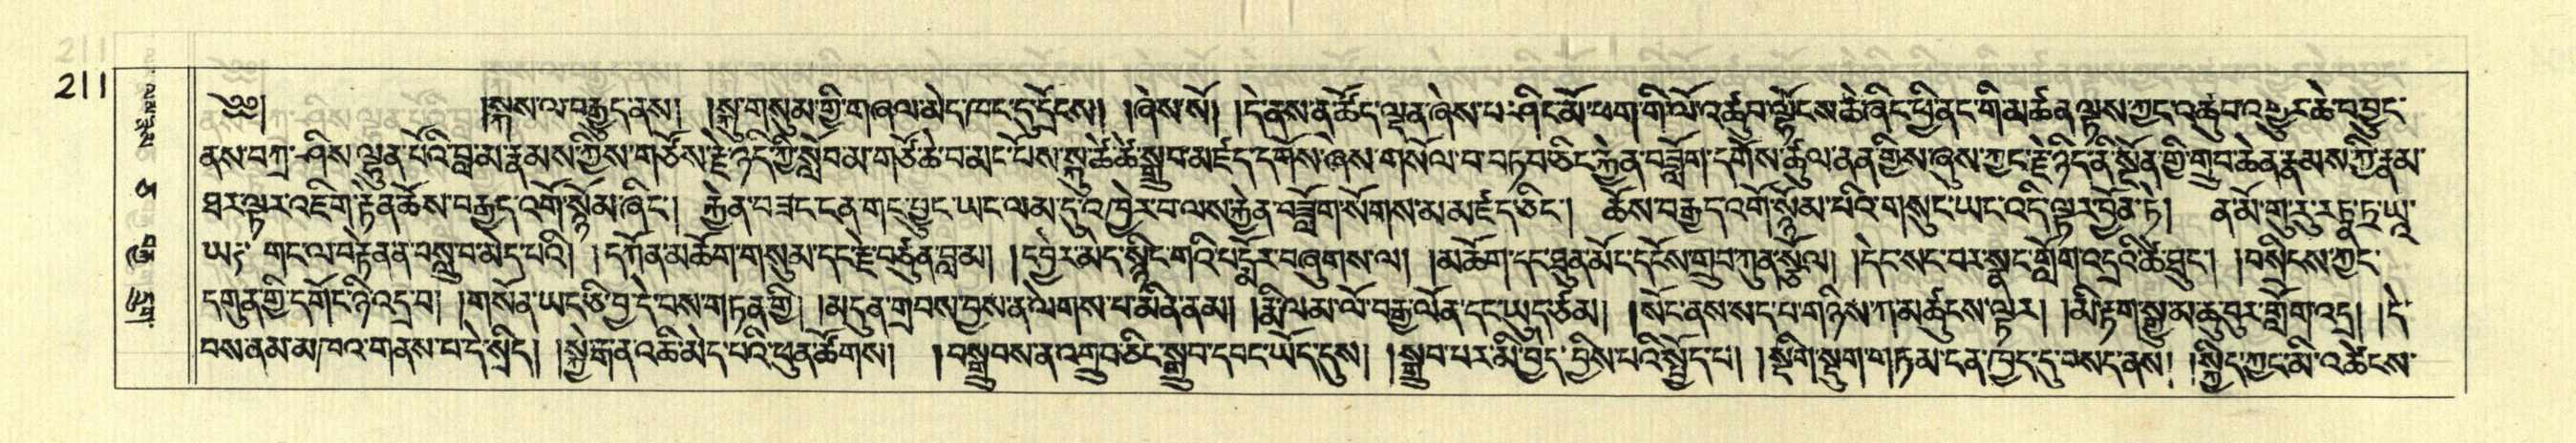༄༅། །སྐས་ལ་བརྒྱུད་ནས། །སྐུ་གསུམ་གྱི་གཞལ་མེད་ཁང་དུ་དྲོངས། །ཞེས་སོ། །དེ་ནས་ན་ཚོད་ལྡན་ཞེས་པ་ཤིང་མོ་ཕག་གི་ལོ་འཚུབ་ལྷོངས་ཆེ་ཞིང་ཕྱི་ནང་གི་མཚན་ལྟས་ཀྱང་འཚུབ་འགྱུར་ཆེ་བ་བྱུང་
ནས་བཀྲ་ཤིས་ལྷུན་པོའི་བླ་མ་རྣམས་ཀྱིས་གཙོས་རྗེ་ཉིད་ཀྱི་སློབ་མ་གཙོ་ཆེ་བ་མང་པོས་སྐུ་ཚེ་ཚེ་སྒྲུབ་མཛད་དགོས་ཞེས་གསོལ་བ་བཏབ་ཅིང་རྐྱེན་བཟློག་དགོས་ཚུལ་ནན་གྱིས་ཞུས་ཀྱང་རྗེ་ཉིད་ནི་སྔོན་གྱི་གྲུབ་ཆེན་རྣམས་ཀྱི་རྣམ་
ཐར་ལྟར་འཇིག་རྟེན་ཆོས་བརྒྱད་འགོ་སྙོམ་ཞིང་། རྐྱེན་བཟང་ངན་གང་བྱུང་ཡང་ལམ་དུ་འཁྱེར་བ་ལས་རྐྱེན་བཟློག་སོགས་མ་མཛད་ཅིང་། ཆོས་བརྒྱད་འགོ་སྙོམ་པའི་གསུང་ཡང་འདི་ལྟར་བྱོན་ཏེ། ན་མོ་གུ་རུ་རཏྣ་ཏྲ་ཡཱ་
ཡ༑ གང་ལ་བརྟེན་ན་བསླུ་བ་མེད་པའི། །དཀོན་མཆོག་གསུམ་དང་རྗེ་བཙུན་བླ་མ། །དབྱེར་མེད་སྙིང་གའི་པདམོར་བཞུགས་ལ། །མཆོག་དང་ཐུན་མོང་དངོས་གྲུབ་ཀུན་སྩོལ། །དེང་སང་བར་སྣང་གློག་འདྲའི་ཚེ་ཐུང་། །བསྲིངས་ཀྱིང་
དགུན་གྱི་དགོང་ཉི་འདྲ་བ། །གསོན་ཡང་ཅི་བྱ་དེ་བས་གཏན་གྱི། །མདུན་གྲབས་བྱས་ན་ལེགས་པ་མིན་ནམ། །རྨི་ལམ་ལོ་བརྒྱ་ལོན་དང་ཡུད་ཙམ། །སོང་ནས་སད་པ་གཉིས་ཀ་མཚུངས་ལྟར། །མི་རྟག་སྒྱུ་མ་ཆུ་བུར་གློག་འདྲ། །དེ་
བས་ནམ་མཁའ་གནས་པ་དེ་སྲིད། །སྐྱེ་རྒ་ན་འཆི་མེད་པའི་ཕུན་ཚོགས། །བསྒྲུབས་ན་འགྲུབ་ཅིང་སྒྲུབ་དབང་ཡོད་དུས། །སྒྲུབ་པར་མི་བྱེད་བྱིས་པའི་སྤྱོད་པ། །སྡིག་སྡུག་གཏམ་ངན་ཁྱད་དུ་བསད་ནས། །སྐྱིད་ཀྱང་མི་འཚེངས་